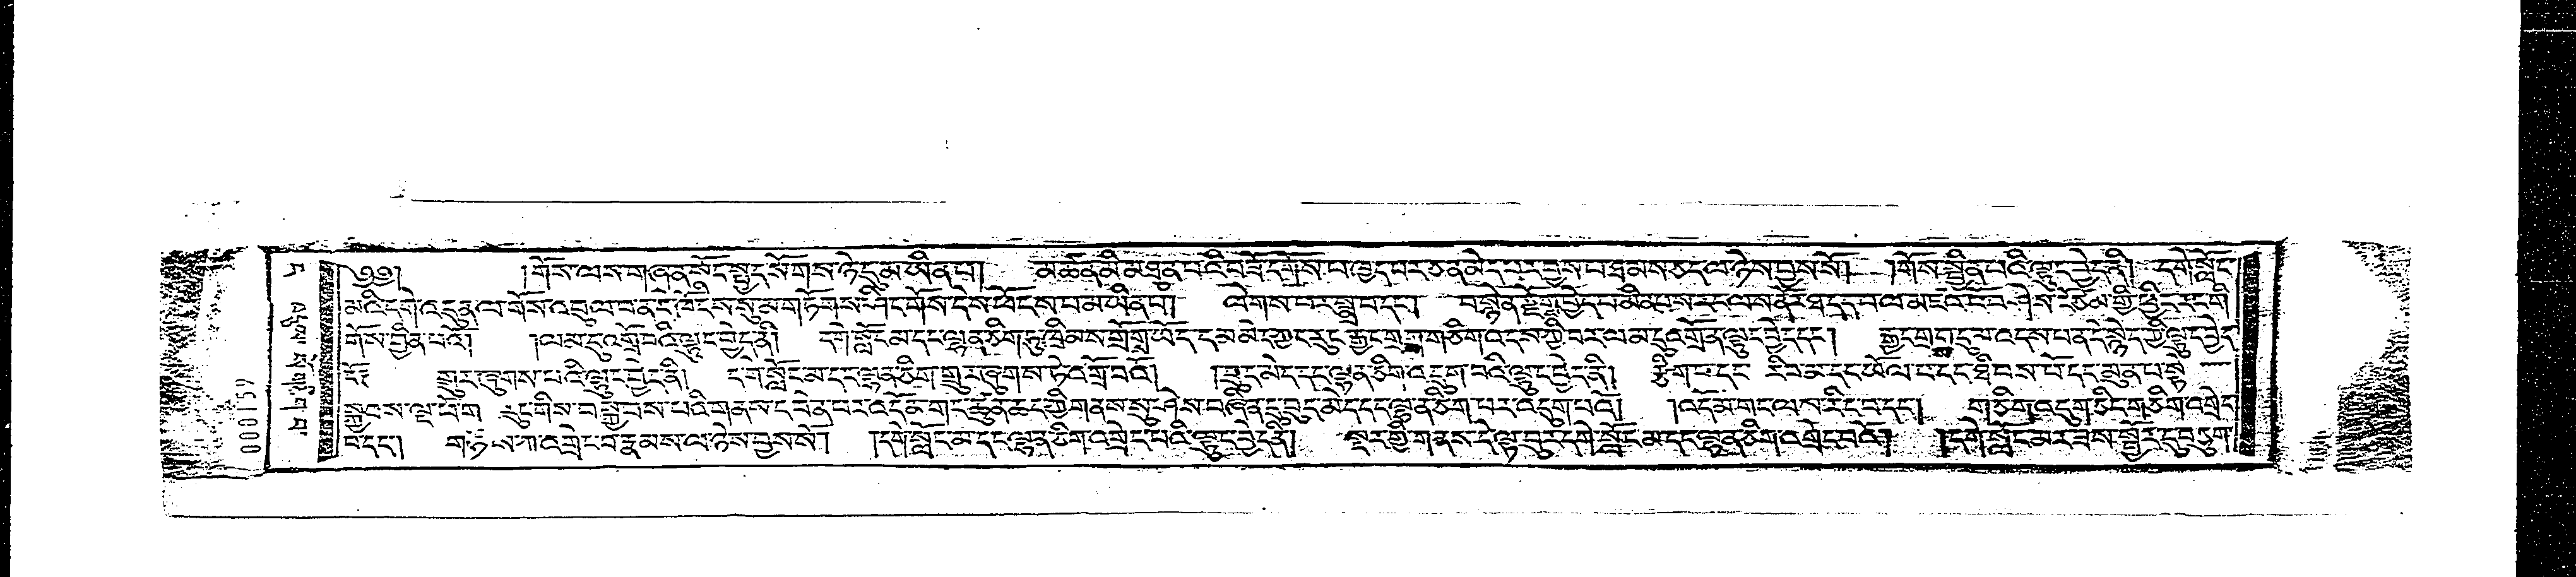༄༅། །གོས་ལས་གཞན་སྣོད་སྤྱད་སོགས་ཉེ་དུ་མ་ཡིན་པ། མཚན་མི་མཐུན་པའི་བཟོ་དགོས་པ་ཁྱད་པར་ཅན་མེད་པར་བྱས་པ་ཐམས་ཅད་ལ་ཉེས་བྱས་སོ། །གོས་སྦྱིན་པའི་ལྟུང་བྱེད་ནི། དགེ་སློང་
མའི་དགེ་འདུན་ལ་གོས་འབུལ་བ་ན་དེ་ཁོངས་སུ་མ་གཏོགས་ཤིང་གོས་དེས་ཕོངས་པ་མ་ཡིན་པ། ལེགས་པར་སྨྲ་བ་དང་། བསྙེན་རྫོགས་བྱེད་པ་མིན་པས་རང་ལས་ནོར་ཐ་དད་པ་ལ་མཛའ་འོ་བཤེས་ངོ་ཙམ་གྱི་ཕྱིར་རང་གི་
གོས་བྱིན་པའོ། །ལམ་དུ་འགྲོ་བའི་ལྟུང་བྱེད་ནི། དགེ་སློང་མ་དང་ལྷན་ཅིག་ཏུ་ཁྲིམས་གྲོགས་ཡོད་དམ་མེད་ཀྱང་རུང་རྒྱང་གྲགས་གཅིག་འདས་ཀྱི་བར་ལམ་དུ་འགྲོ་ན་ལྟུང་བྱེད་དང་། རྒྱང་གྲགས་དུ་མ་འདས་པ་ན་དེ་སྙེད་ཀྱི་ལྟུང་བྱེད་
ངོ༑ གྲུར་ཞུགས་པའི་ལྟུང་བྱེད་ནི། དགེ་སློང་མ་དང་ལྷན་ཅིག་གྲུར་ཞུགས་ཏེ་འགྲོ་བའོ། །བུད་མེད་དང་ལྷན་ཅིག་འདུག་པའི་ལྟུང་བྱེད་ནི། རྩིག་པ་དང་རིབ་མ་དང་ཡོལ་པ་དང་ཐིབས་པོ་དང་མུན་པ་སྟེ་
སྐྱབས་ལྔ་པོ་གང་རུང་གིས་བསྐྱབས་པའི་གནས་དབེན་པར་འདོམ་གང་ཚུན་ཆད་ཀྱི་གནས་སུ་ཤེས་བཞིན་དུ་བུད་མེད་དང་ལྷན་ཅིག་བར་འདུག་པའོ། །འདོམ་གང་ལས་རིང་བ་དང་། གཅིག་འདུག་ཅིང་གཅིག་འགྲེང་
བ་དང་། གཉིས་ཀ་འགྲེང་བ་རྣམས་ལ་ཉེས་བྱས་སོ། །དགེ་སློང་མ་དང་ལྷན་ཅིག་འགྲེང་པའི་ལྟུང་བྱེད་ནི། སྔར་གྱི་གནས་དེ་ལྟ་བུར་དགེ་སློང་མ་དང་ལྷན་ཅིག་འགྲེང་བའོ། །དགེ་སློང་མར་ཟས་སྦྱོར་དུ་བཅུག་